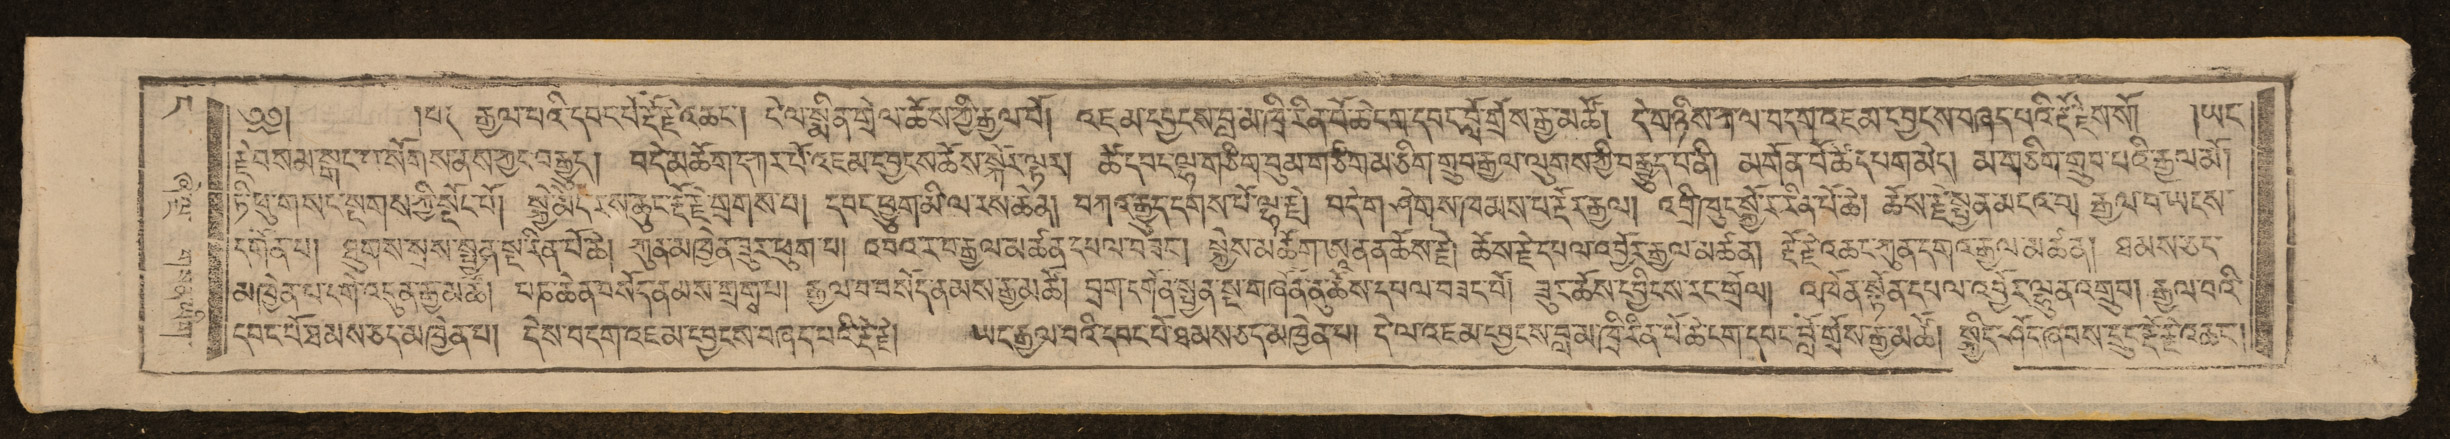༄༅། །པ༑ རྒྱལ་བའི་དབང་པོ་རྡོ་རྗེ་འཆང་། དེ་ལ་སྨིན་གྲེལ་ཆོས་ཀྱི་རྒྱལ་བོ། འཇམ་དབྱངས་བླ་མ་ཁྲི་རིན་པོ་ཆེ་ངག་དབང་བློ་གྲོས་རྒྱ་མཚོ། དེ་གཉིས་ཀ་ལ་བདག་འཇམ་དབྱངས་བཞད་པའི་རྡོ་རྗེས་སོ། །ཡང་
རྗེ་བསམ་སྒང་པ་སོགས་ནས་ཀྱང་བརྒྱུད། བདེ་མཆོག་དཀར་པོ་འཇམ་དབྱངས་ཆོས་སྐོར་ལྟར། ཚེ་དབང་ལྷ་གཅིག་བུམ་གཅིག་མ་ཅིག་གྲུབ་རྒྱལ་ལུགས་ཀྱི་བརྒྱུད་པ་ནི། མགོན་པོ་ཚེ་དཔག་མེད། མ་གཅིག་གྲུབ་པའི་རྒྱལ་མོ།
ཏི་ཕུ་གསང་སྔགས་ཀྱི་སྡོང་པོ། སྐྱེ་མེད་རས་ཆུང་རྡོ་རྗེ་གྲགས་པ། དབང་ཕྱུག་མི་ལ་རས་ཆེན། བཀའ་རྒྱུད་དགས་པོ་ལྷ་རྗེ། བདེ་གཤེགས་ཁམས་པ་རྡོར་རྒྱལ། འབྲི་ཁུང་སྐྱོར་རིན་པོ་ཆེ། ཆོས་རྗེ་སྤྱན་མངའ་བ། རྒྱལ་བ་ཡོངས་
དགོན་པ། ཐུགས་སྲས་སྤྱན་སྔ་རིན་པོ་ཆེ། ཀུན་མཁྱེན་ཟུར་ཕུག་པ། འབའ་རབ་རྒྱལ་མཚན་དཔལ་བཟང་། སྐྱེས་མཆོག་ཨ༑ཨ་ན་ན་ཆོས་རྗེ། ཆོས་རྗེ་དཔལ་འབྱོར་རྒྱལ་མཚན། རྡོ་རྗེ་འཆང་ཀུན་དགའ་རྒྱལ་མཚན། ཐམས་ཅད་
མཁྱེན་པ་དགེ་འདུན་རྒྱ་མཚོ། པཎ་ཆེན་བསོད་ནམས་གྲགས་པ། རྒྱལ་བ་བསོད་ནམས་རྒྱ་མཚོ། བྲག་དགོན་སྤྱན་སྤ་གཞོན་ནུ་ཆོས་དཔལ་བཟང་པོ། ཟུར་ཆོས་དབྱིངས་རང་གྲོལ། འཁོན་སྟོན་དཔལ་འབྱོར་ལྷུན་འགྲུབ། རྒྱལ་བའི་
དབང་པོ་ཐམས་ཅད་མཁྱེན་པ། དེས་བདག་འཇམ་དབྱངས་བཞད་པའི་རྡོ་རྗེ། ཡང་རྒྱལ་བའི་དབང་པོ་ཐམས་ཅད་མཁྱེན་པ། དེ་ལ་འཇམ་དབྱངས་བླ་མ་ཁྲི་རིན་པོ་ཆེ་ངག་དབང་བློ་གྲོས་རྒྱ་མཚོ། སྐྱིད་ཤོང་ཞབས་དྲུང་རྡོ་རྗེ་འཆང་།